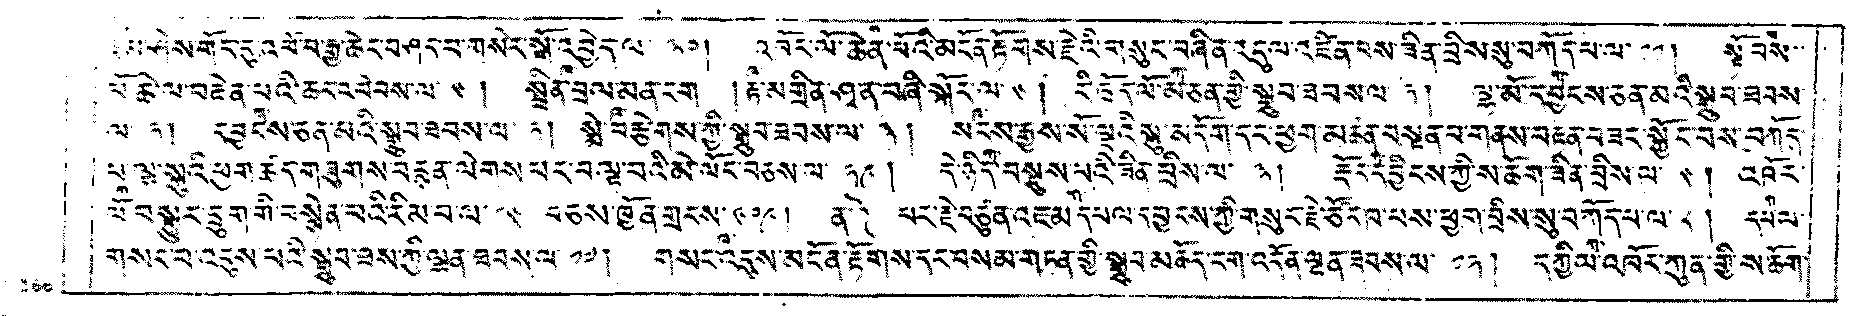ཀ་རྣམ་ཤེས་གོང་དུ་འཕོ་བ་རྒྱ་ཆེར་བཤད་པ་གསེར་སྒོ་འབྱེད་ལ ༣༠། ཀ་འཁོར་ལོ་ཆེན་པོའི་མངོན་རྟོགས་རྗེའི་གསུང་བཞིན་འདུལ་འཛིན་པས་ཟིན་བྲིས་སུ་བཀོད་པ་ལ ༡༡། ཀ་སྟོབས་
པོ་ཆེ་ལ་བརྟེན་པའི་ཆར་འབེབས་ལ ༤། ཁ་སྤྲིན་བྲལ་མན་ངག །ཁ་རྟ་མགྲིན་ཤྭ་ན་བཞི་སྐོར་ལ ༤། ཀ་རི་ཁྲོད་ལོ་མ་ཅན་གྱི་སྒྲུབ་ཐབས་ལ ༢། ཀ་ལྷ་མོ་དབྱངས་ཅན་མའི་སྒྲུབ་ཐབས་
ལ ༢། ཀ་དབྱངས་ཅན་མའི་སྒྲུབ་ཐབས་ལ ༢། ཁ་སྨེ་བརྩེགས་ཀྱི་སྒྲུབ་ཐབས་ལ ༣། ཁ་སངས་རྒྱས་སོ་ལྔའི་སྐུ་མདོག་དང་ཕྱག་མཚན་བསྟན་པ་གནས་བརྟན་བཟང་སྐྱོང་བས་བཀོད་
པ་ལྷ་སྐུའི་ཕྱག་ཚད་གཟུགས་བརྙན་ལེགས་པར་བལྟ་བའི་མེ་ལོང་བཅས་ལ ༢༩། ཀ་དེ་ཉིད་བསྡུས་པའི་ཟིན་བྲིས་ལ ༣། ཀ་རྡོར་དབྱིངས་ཀྱིས་ས་ཆོག་ཟིན་བྲིས་ལ ༤། ཀ་འཁོར་
ལོ་བསྒྱུར་དྲུག་གི་བསྙེན་པའི་རིམ་པ་ལ ༡༤་བཅས་ཁྱོན་གྲངས ༤༠༩། ན}་ཀ་པར་རྗེ་བཙུན་འཇམ་དཔལ་དབྱངས་ཀྱི་གསུང་རྗེ་ཙོང་ཁ་པས་ཕྱག་བྲིས་སུ་བཀོད་པ་ལ ༨། ཀ་དཔལ་
གསང་བ་འདུས་པའི་སྒྲུབ་ཐས་ཀྱི་ལྷན་ཐབས་ལ ༡༧། ཁ་གསང་འདུས་མངོན་རྟོགས་དང་བསམ་གཏན་གྱི་སྒྲུབ་མཆོད་ངག་འདོན་ལྷན་ཐབས་ལ ༡༢། ཀ་དཀྱིལ་འཁོར་ཀུན་གྱི་ས་ཆོག་